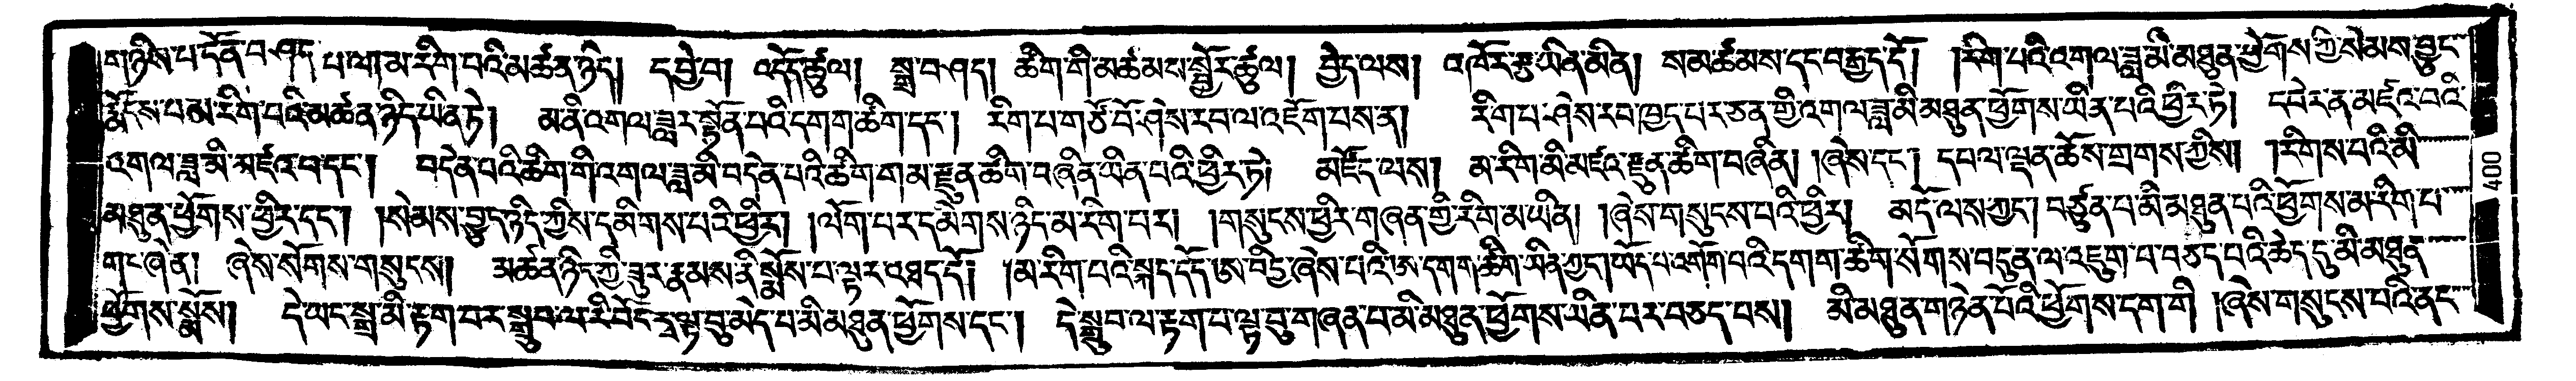གཉིས་པ་དོན་བཤད་པ་ལ། མ་རིག་པའི་མཚན་ཉིད། དབྱེ་བ། འདོད་ཚུལ། སྒྲ་བཤད། ཚིག་གི་མཚམས་སྦྱོར་ཚུལ། བྱེད་ལས། འཁོར་རྩ་ཡིན་མིན། ས་མཚམས་དང་བརྒྱད་དོ། །རིག་པའི་འགལ་ཟླ་མི་མཐུན་ཕྱོགས་ཀྱི་སེམས་བྱུང་
རྨོངས་པ་མ་རིག་པའི་མཚན་ཉིད་ཡིན་ཏེ། མ་ནི་འགལ་ཟླར་སྟོན་པའི་དགག་ཚིག་དང་། རིག་པ་གཙོ་བོ་ཤེས་རབ་ལ་འཇོག་པས་ན། རིག་པ་ཤེས་རབ་ཁྱད་པར་ཅན་གྱི་འགལ་ཟླ་མི་མཐུན་ཕྱོགས་ཡིན་པའི་ཕྱིར་ཏེ། དཔེར་ན་མཛའ་བའི་
འགལ་ཟླ་མི་མཛའ་བ་དང་། བདེན་པའི་ཚིག་གི་འགལ་ཟླ་མི་བདེན་པའི་ཚིག་གམ་རྫུན་ཚིག་བཞིན་ཡིན་པའི་ཕྱིར་ཏེ། མཛོད་ལས། མ་རིག་མི་མཛའ་རྫུན་ཚིག་བཞིན། །ཞེས་དང་། དཔལ་ལྡན་ཆོས་གྲགས་ཀྱིས། །རིགས་པའི་མི་
མཐུན་ཕྱོགས་ཕྱིར་དང་། །སེམས་བྱུང་ཉིད་ཀྱིས་དམིགས་པའི་ཕྱིར། །ལོག་པར་དམིགས་ཉིད་མ་རིག་པར། །གསུངས་ཕྱིར་གཞན་གྱི་རིག་མ་ཡིན། །ཞེས་གསུངས་པའི་ཕྱིར། མདོ་ལས་ཀྱང་། བཙུན་པ་མི་མཐུན་པའི་ཕྱོགས་མ་རིག་པ་
གང་ཞེ་ན། ཞེས་སོགས་གསུངས། མཚན་ཉིད་ཀྱི་ཟུར་རྣམས་ནི་སྨོས་པ་ལྟར་འཐད་དོ། །མ་རིག་པའི་སྐད་དོད་ཨ་བིདྱ་ཞེས་པའི་ཨ་དགག་ཚིག་ཡིན་ཀྱང་། ཡོད་པ་འགོག་པའི་དགག་ཚིག་སོགས་བདུན་ལ་འཇུག་པ་བཅད་པའི་ཆེད་དུ་མི་མཐུན་
ཕྱོགས་སྨོས། དེ་ཡང་སྒྲ་མི་རྟག་བར་སྒྲུབ་ལ་རི་བོང་རྭ་ལྟ་བུ་མེད་པ་མི་མཐུན་ཕྱོགས་དང་། དེ་སྒྲུབ་ལ་རྟག་པ་ལྟ་བུ་གཞན་པ་མི་མཐུན་ཕྱོགས་ཡིན་པར་བཅད་པས། མི་མཐུན་གཉེན་པོའི་ཕྱོགས་དག་གི །ཞེས་གསུངས་པའི་ནང་